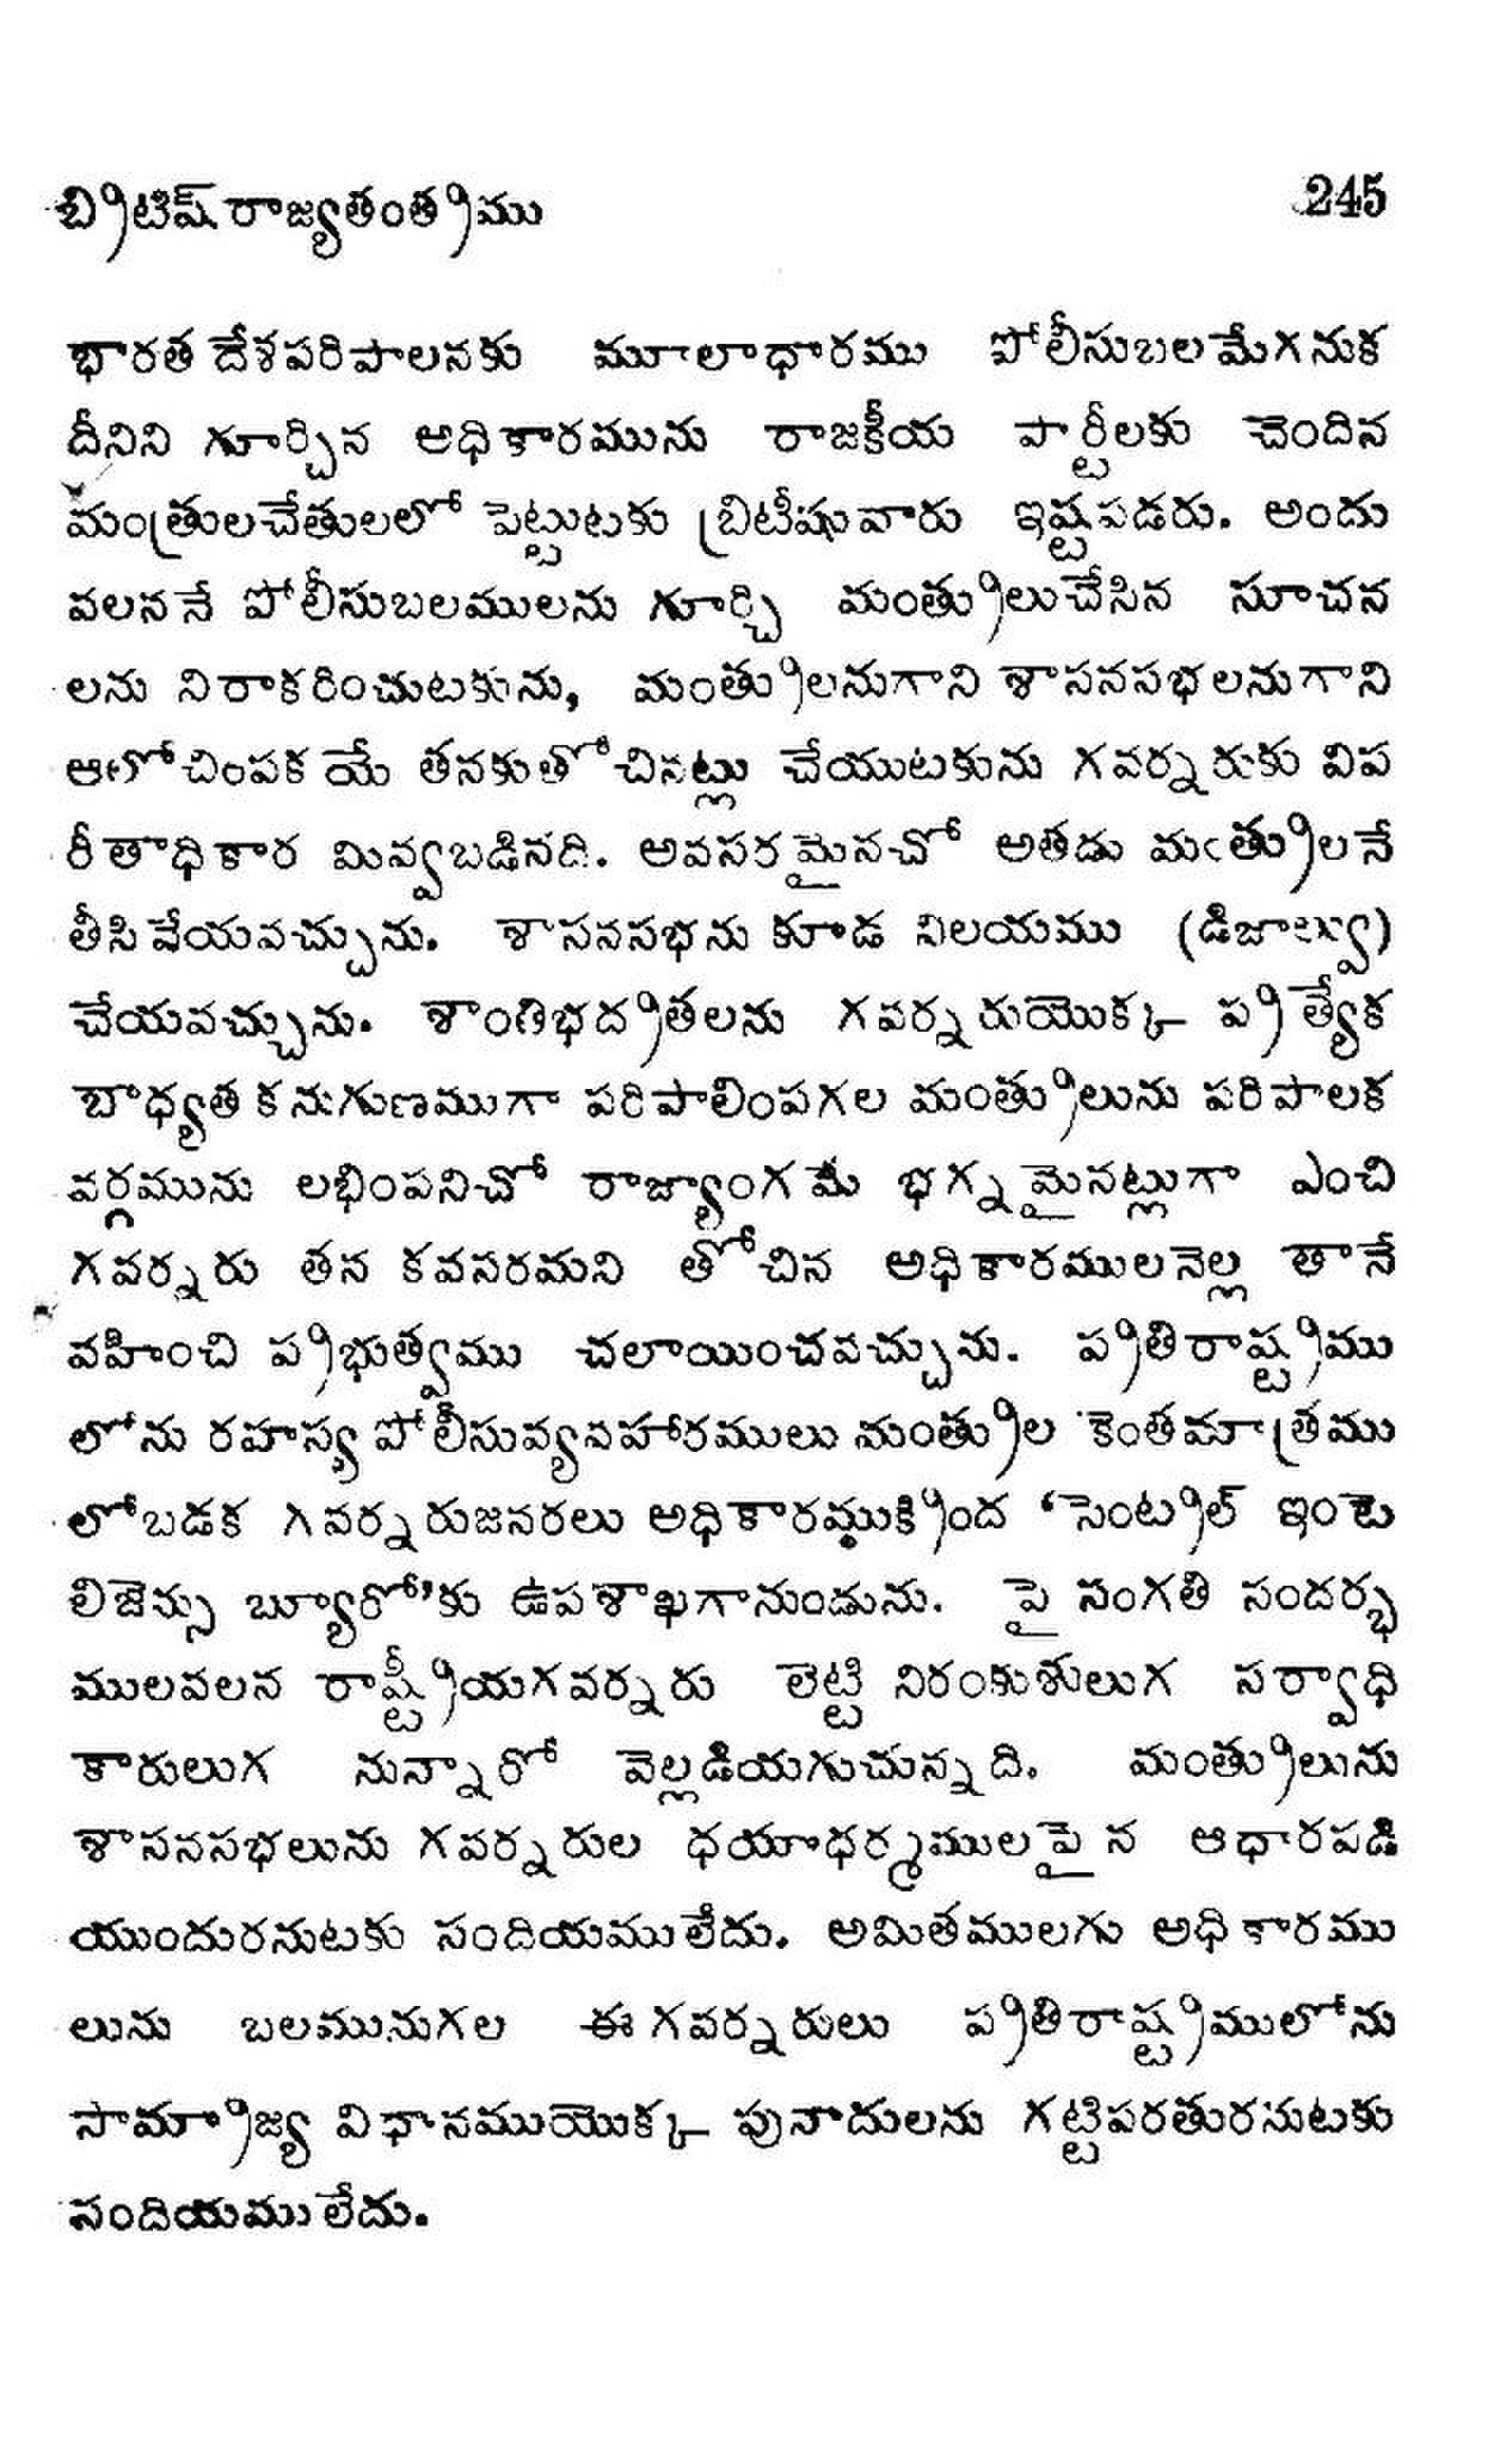భారతదేశపరిపాలనకు మూలాధారము పోలీసుబలమేగనుక దీనిని గూర్చిన అధికారమును రాజకీయ పార్టీలకు చెందిన మంత్రులచేతులలో పెట్టుటకు బ్రిటీషువారు ఇష్టపడరు. అందువలననే పోలీసుబలములను గూర్చి మంత్రులుచేసిన సూచనలను నిరాకరించుటకును, మంత్రులనుగాని శాసనసభలనుగాని ఆలోచింపకయే తనకుతోచినట్లు చేయుటకును గవర్నరుకు విపరీతాధికార మివ్వబడినది. అవసరమైనచో అతడు మంత్రులనే తీసివేయవచ్చును. శాసనసభను కూడ నిలయము (డిజాల్వు) చేయవచ్చును. శాంతిభద్రతలను గవర్నరుయొక్క ప్రత్యేకబాధ్యత కనుగుణముగా పరిపాలింపగల మంత్రులును పరిపాలక వర్గమును లభింపనిచో రాజ్యంగమే భగ్నమైనట్లుగా ఎంచి గవర్నరు తన కవసరమని తోచిన అధికారములనెల్ల తానేవహించి ప్రభుత్వము చలాయించవచ్చును. ప్రతిరాష్ట్రములోను రహస్య పోలీసువ్యవహారములు మంత్రుల కెంతమాత్రము లోబడక గవర్నరుజనరలు అధికారముక్రింద “ సెంట్రల్ ఇంటెలిజెన్సు బ్యూరో'కు ఉపశాఖగానుండును. పై సంగతి సందర్భములవలన రాష్ట్రీయగవర్నరు లెట్టి నిరంకుశులుగ సర్వాధికారులుగ నున్నారో వెల్లడియగుచున్నది. మంత్రులును శాసనసభలును గవర్నరుల ధయాధర్మములపైన ఆధారపడి యుందురనుటకు సందియములేదు. అమితములగు అధికారములును బలమునుగల ఈగవర్నరులు ప్రతిరాష్ట్రములోను సామ్రాజ్య విధానముయొక్క పునాదులను గట్టిపరతురనుటకు సందియములేదు.